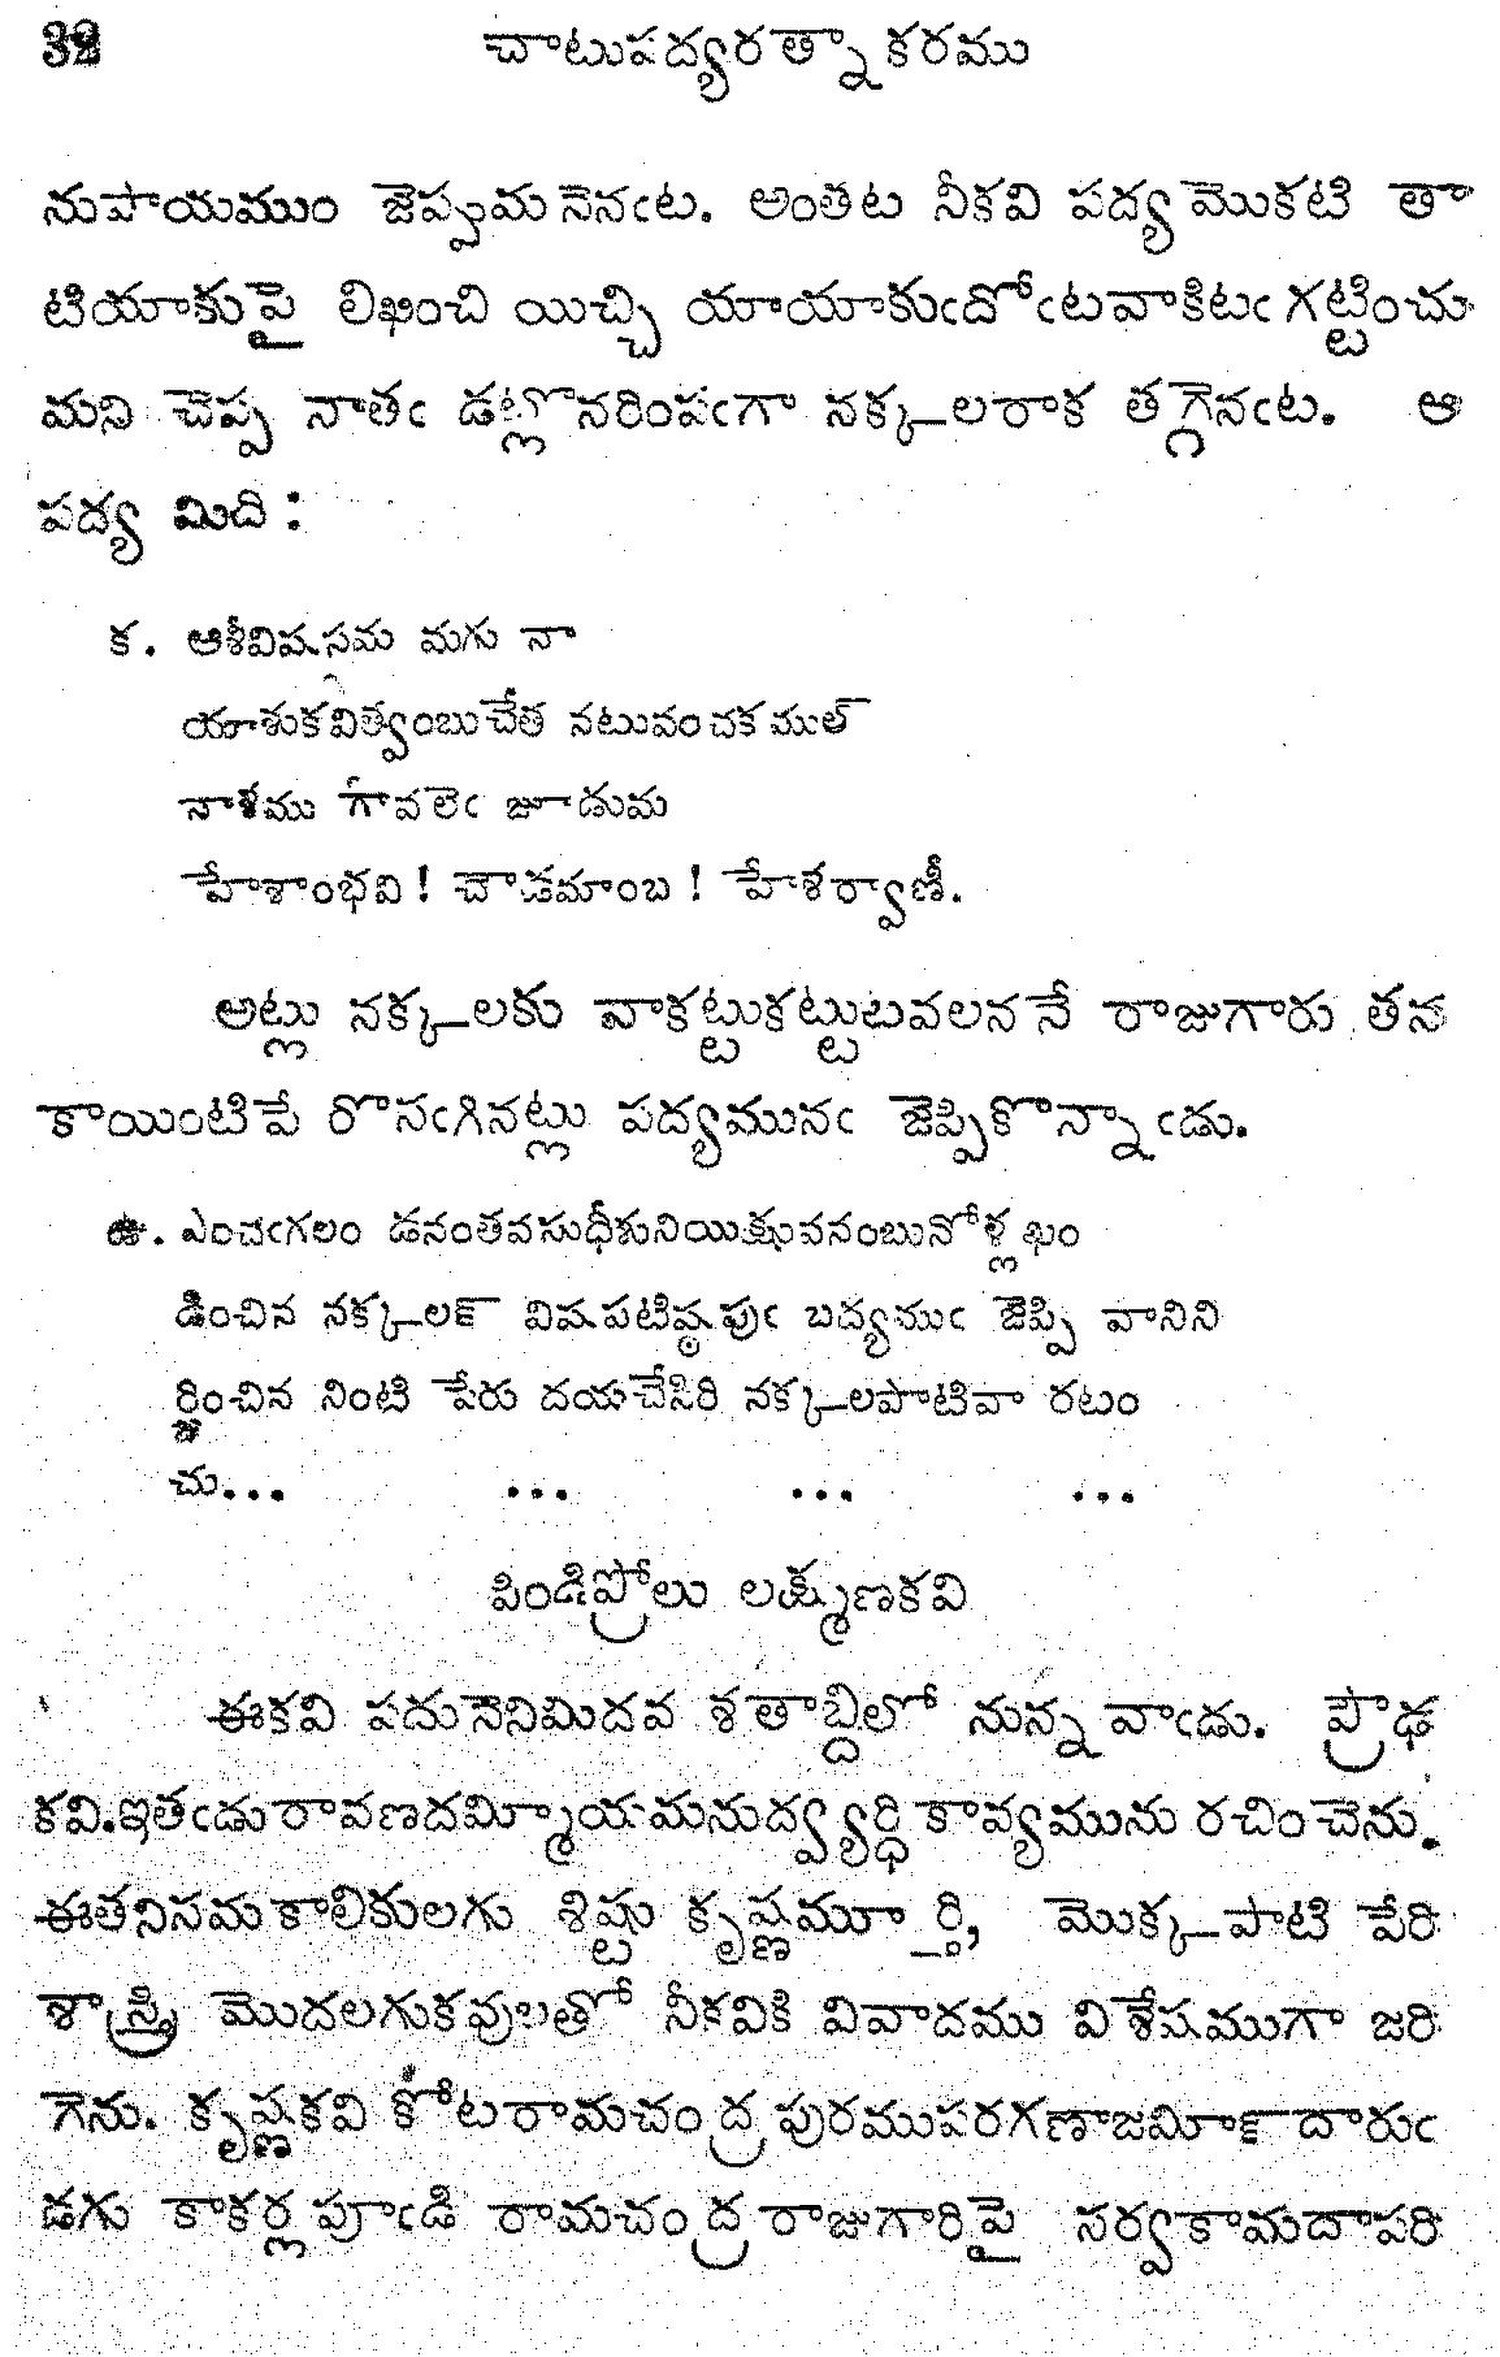నుపాయముం జెప్పుమనెనఁట. అంతట నీకవి పద్యమొకటి తాటియాకుపై లిఖించి యిచ్చి యాయాకుఁ దోఁటవాకిటఁ గట్టించుమని చెప్ప నాతఁ డట్లొనరింపఁగా నక్కలరాక తగ్గెనఁట. ఆపద్య మిది—

క. ఆశీవిషసమ మగు నా
 యాశుకవిత్వంబుచేత నటువంచకముల్
 నాశము గావలెఁ జూడుమ
 హే శాంభవి! చౌడమాంబ! హే శర్వాణీ!

అట్లు నక్కలకు వాకట్టు కట్టుటవలననే రాజుగారు తన కాయింటిపో రొసఁగినట్లు పద్యమునఁ జెప్పికొన్నాఁడు.

ఉ. ఎంచఁగలం డనంతవసుధీశుని యిక్షువనంబు నోళ్ళ ఖం
 డించిన నక్కలన్ విషపటిష్ఠపుఁ బద్యముఁ జెప్పి వాని ని
 ర్జించిన నింటిపేరు దయచేసిరి నక్కలపాటివా రటం
 చు.............................................................

ఈకవి పదునెనిమిదవ శతాబ్దిలో నున్నవాఁడు. ప్రౌఢకవి. ఇతఁడు రావణదమ్మీయ మను ద్వ్యర్థికావ్యమును రచించెను. ఈతని సమకాలికులగు శిష్టు కృష్ణమూర్తి, మొక్కపాటి పేరిశాస్త్రి మొదలగుకవులతో నీకవికి వివాదము విశేషముగా జరిగెను. కృష్ణకవి కోటరామచంద్రపురము పరగణాజమీన్దారుఁడగు కాకర్లపూఁడి రామచంద్రరాజుగారిపై సర్వకామదాపరి